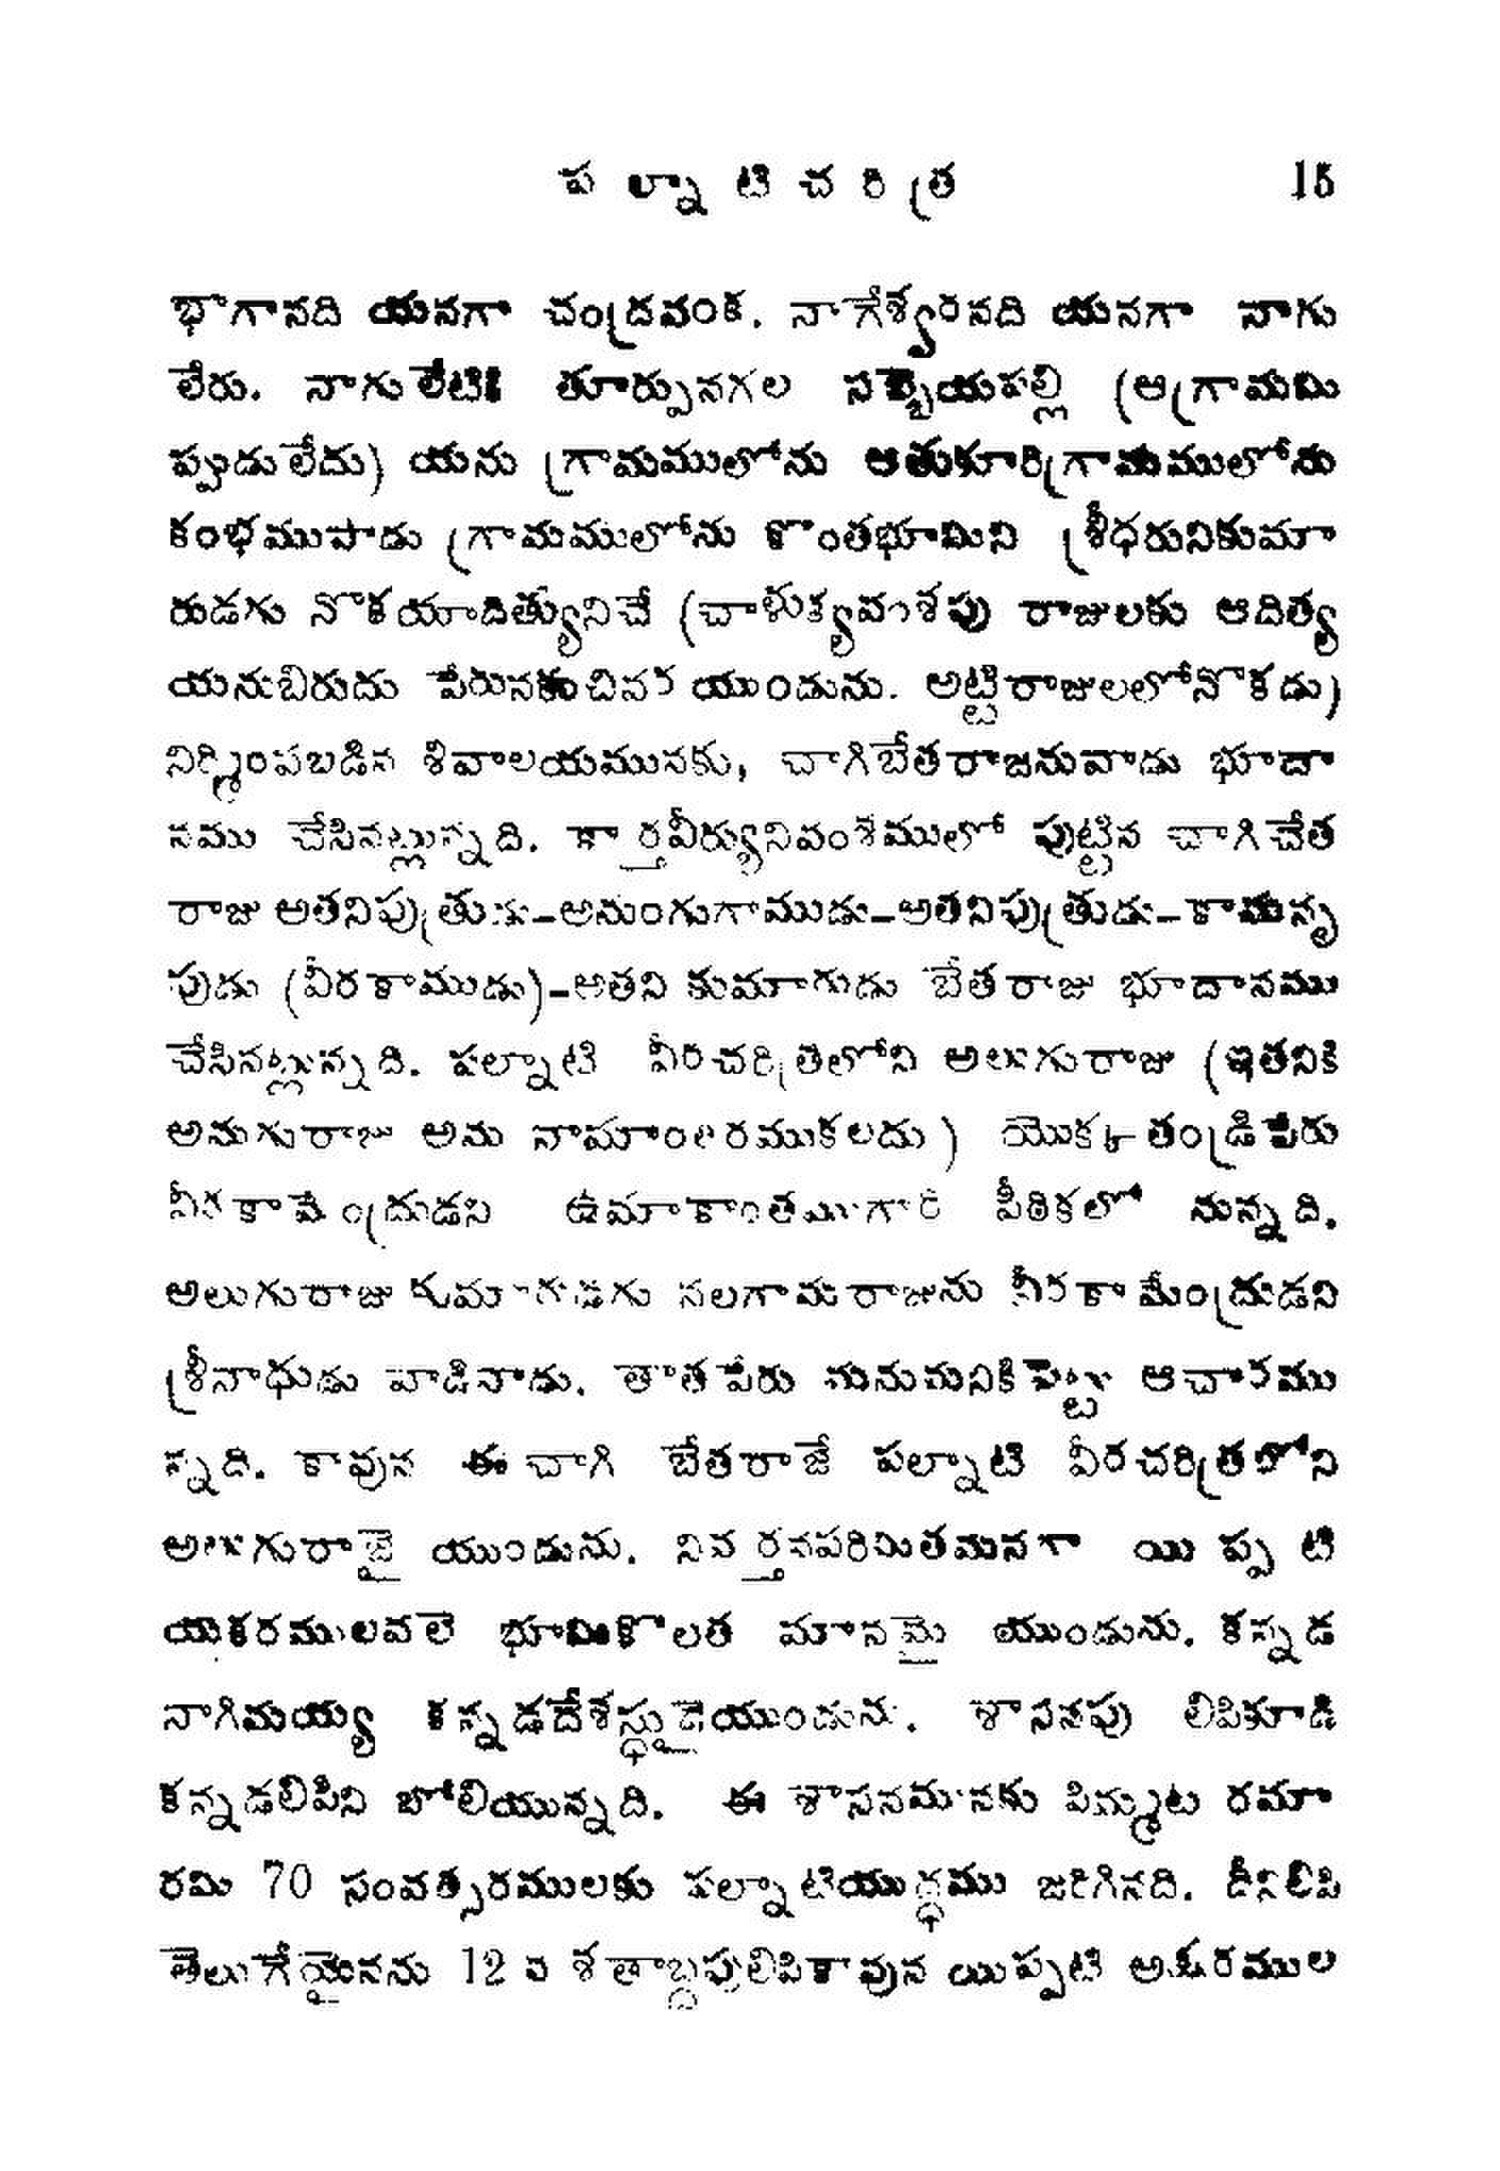భాగానది యనగా చంద్రవంక, నాగేశ్వరనది యనగా నాగులేరు. 
నాగులేటికి తూర్పునగల సబ్బెయపల్లి (ఆగ్రామమిప్పుడు లేదు) 
యను గ్రామములోను ఆతుకూరిగ్రామములోను
కంభముపాడు గ్రామములోను కొంతభూమిని శ్రీధరునికుమారుడగు 
నొకయాదిత్యునిచే (చాళుక్యవంశపు రాజులకు ఆదిత్యయను బిరుదు 
పేరునకు చివర యుండును. అట్టిరాజులలోనొకడు)
నిర్మింపబడిన శివాలయమునకు, చాగిబేతరాజనువాడు భూదా
నము చేసినట్లున్నది. కార్తవీర్యునివంశములో పుట్టిన చాగిబేతరాజు 
అతనిపుత్రుడు - అనుంగుగాముడు-అతనిపుత్రుడు- కామనృపుడు 
(వీరకాముడు) — అతని కుమారుడు బేతరాజు భూదానము
చేసినట్లున్నది. పల్నాటి వీరచరిత్రలోని అలుగురాజు (ఇతనికి
అనుగురాజు అను నామాంతరముకలదు) యొక్క తండ్రి పేరు
వీర కామేంద్రుడని ఉమాకాంతముగారి పీఠికలో నున్నది.

అలుగురాజు కుమారుడగు నలగామరాజును వీర కామేంద్రుడని
శ్రీనాధుడు వాడినాడు. తాత పేరు మనుమనికి పెట్టు ఆచారమున్నది. 
కావున ఈ చాగి బేతరాజే పల్నాటి వీర చరిత్రలోని
అనుగురాజై యుండును. నివర్తనపరిమితమనగా యి ప్ప టి
యకరములవలె భూమికొలత మానమై యుండును. కన్నడ
నాగిమయ్య కన్నడదేశస్థుడైయుండును. శాసనపు లిపికూడి
కన్నడ లిపిని బోలియున్నది. ఈ శాసనమునకు పిమ్మట 
రమారమి 70 సంవత్సరములకు పల్నాటియుద్ధము జరిగినది. దీనిలిపి
తెలుగేయైనను 12 వ శతాబ్దపులిపికావున యిప్పటి అక్షరముల